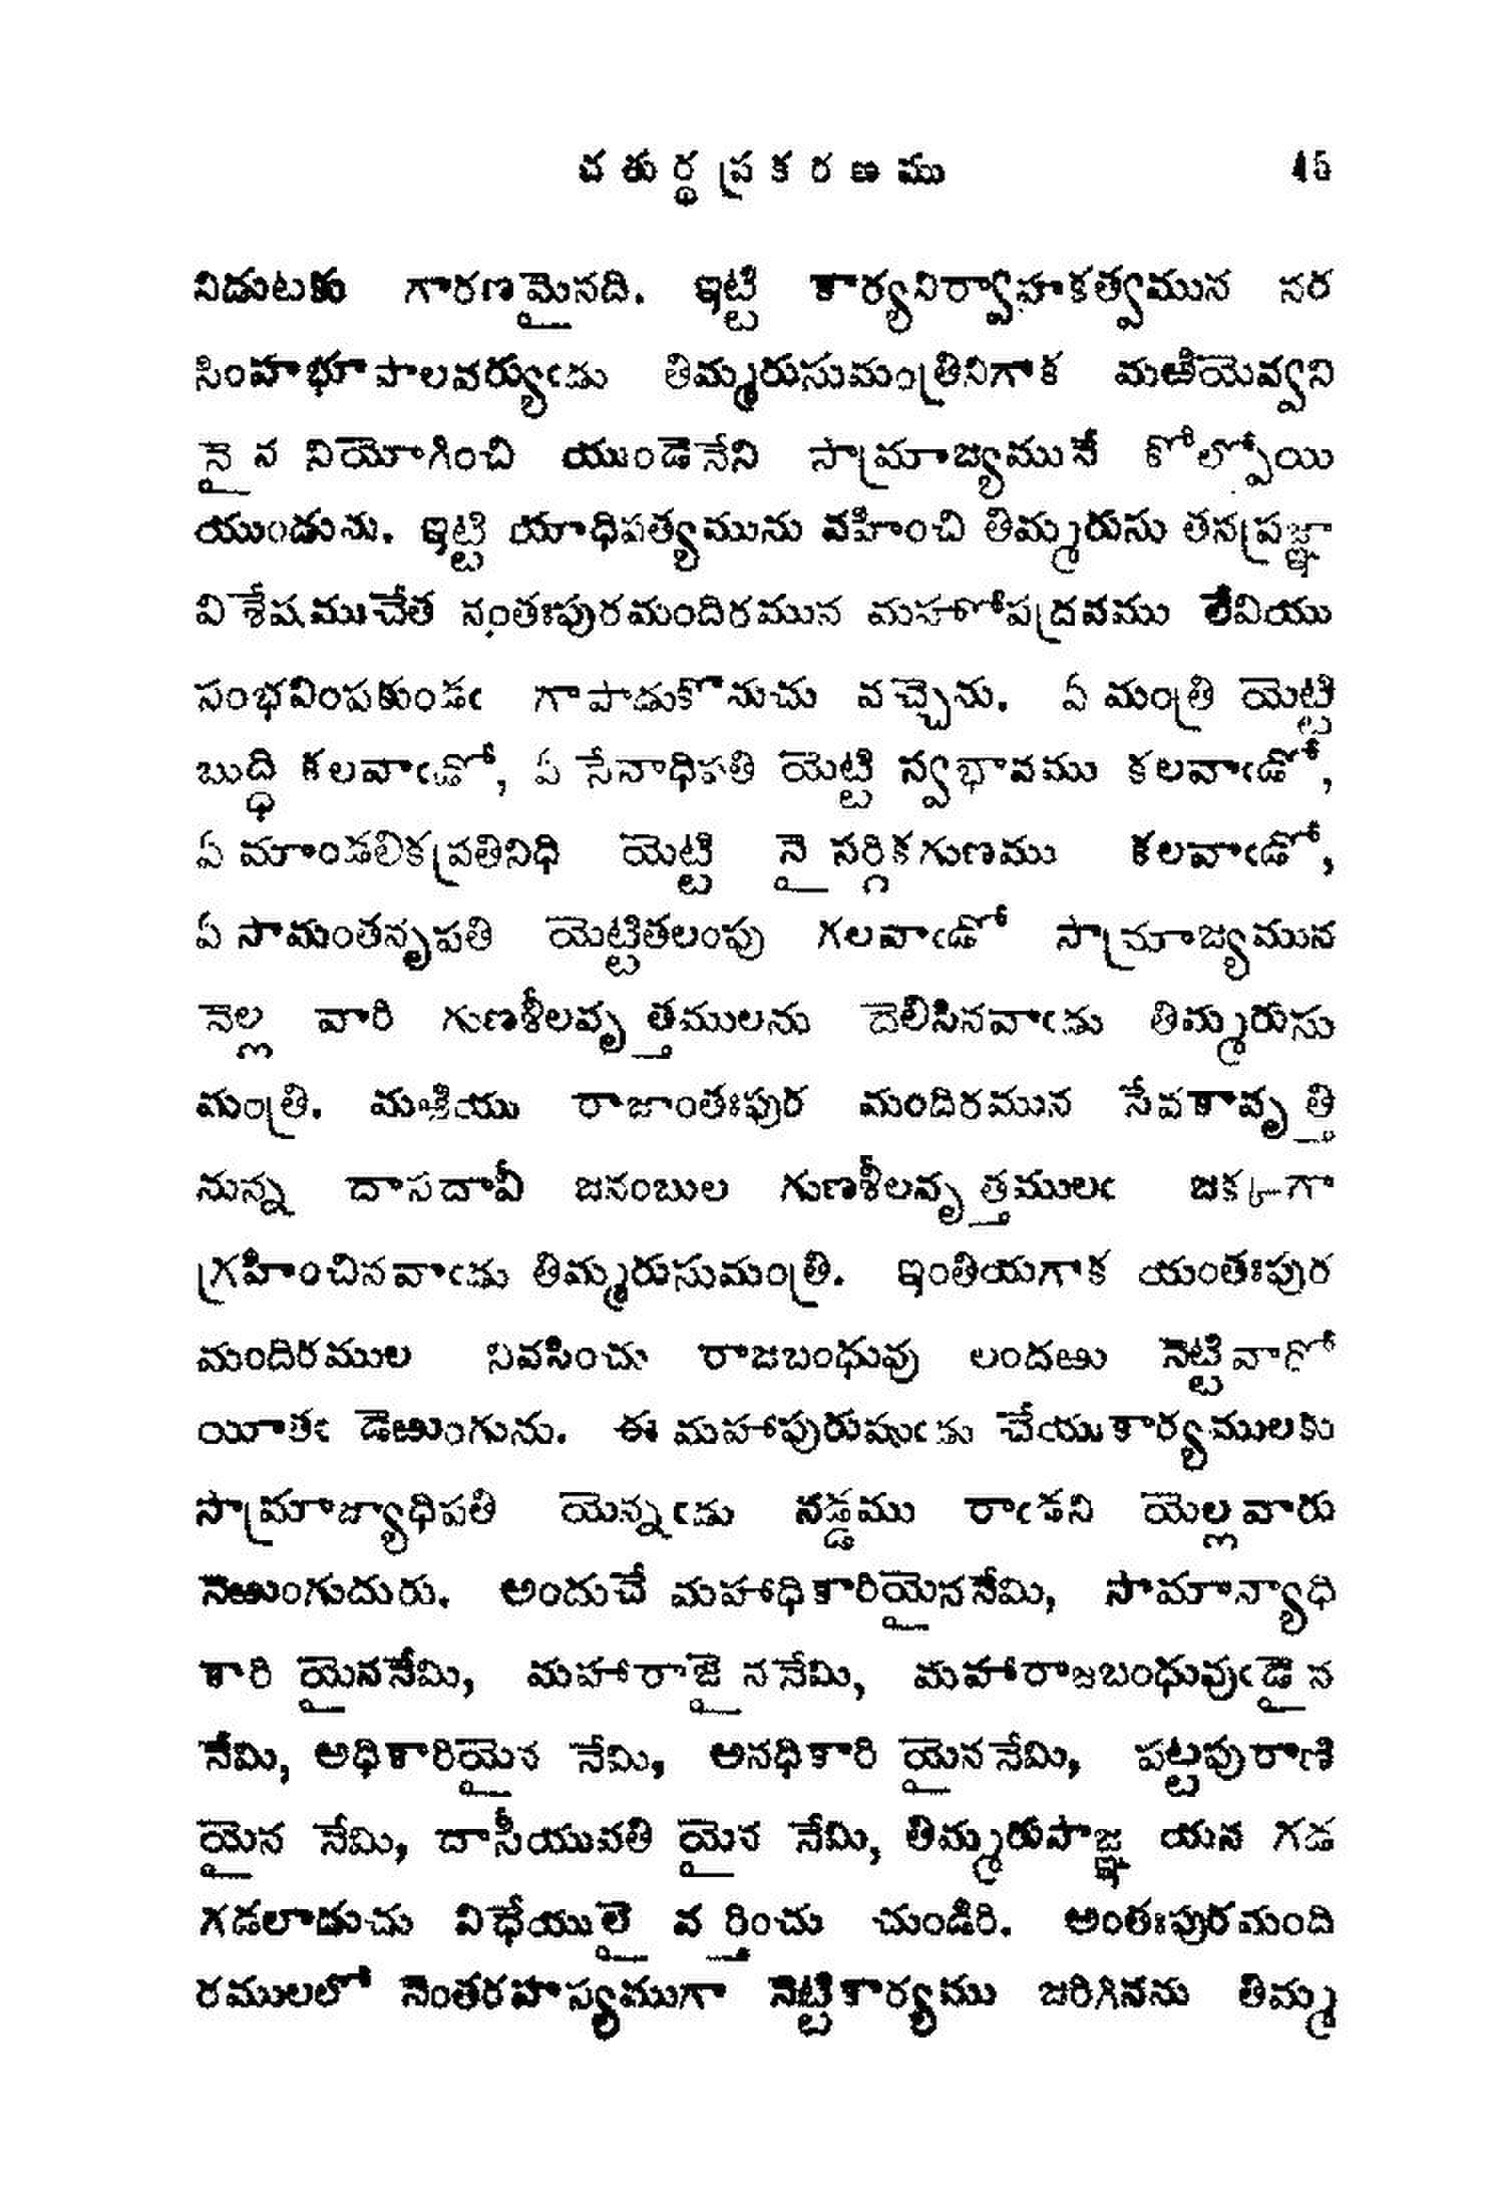నిడుటకు గారణమైనది. ఇట్టి కార్యనిర్వాహకత్వమున నరసింహభూపాలవర్యుఁడు తిమ్మరుసుమంత్రినిగాక మఱియెవ్వనినైన నియోగించి యుండెనేని సామ్రాజ్యమునే కోల్పోయి యుండును. ఇట్టి యాధిపత్యమును వహించి తిమ్మరుసు తనప్రజ్ఞా విశేషముచేత నంతఃపురమందిరమున మహోపద్రవము లేవియు సంభవింపకుండఁ గాపాడుకొనుచు వచ్చెను. ఏ మంత్రి యెట్టి బుద్ధి కలవాఁడో, ఏ సేనాధిపతి యెట్టి స్వభావము కలవాఁడో, ఏ మాండలిక ప్రతినిధి యెట్టి నైసర్గికగుణము కలవాడో, ఏ సామంతనృపతి యెట్టితలంపు గలవాఁడో సామ్రాజ్యమున నెల్ల వారి గుణశీలవృత్తములను దెలిసినవాఁడు తిమ్మరుసు మంత్రి. మఱియు రాజంతఃపుర మందిరమున సేవకావృత్తి నున్న దాసదాసీ జనంబుల గుణశీలవృత్తములఁ జక్కగా గ్రహించినవాఁడు తిమ్మరుసుమంత్రి. ఇంతియగాక యంతఃపుర మందిరముల నివసించు రాజబంధువు లందఱు నెట్టివారో యీతఁ డెఱుంగును. ఈ మహాపురుషుఁడు చేయుకార్యములకు సామ్రాజ్యాధిపతి యెన్నఁడు నడ్డము రాఁడని యెల్లవారు నెఱుంగుదురు. అందుచే మహాధికారియైననేమి, సామాన్యాధికారి యైననేమి, మహారాజైననేమి, మహారాజబంధువుఁడైన నేమి, అధికారియైన నేమి, అనధికారి యైననేమి, పట్టపురాణియైన నేమి, దాసీయువతి యైన నేమి, తిమ్మరుసాజ్ఞ యన గడగడలాడుచు విధేయులై వర్తించు చుండిరి. అంతఃపుర మందిరములలో నెంతరహస్యముగా నెట్టికార్యము జరిగినను తిమ్మ
-